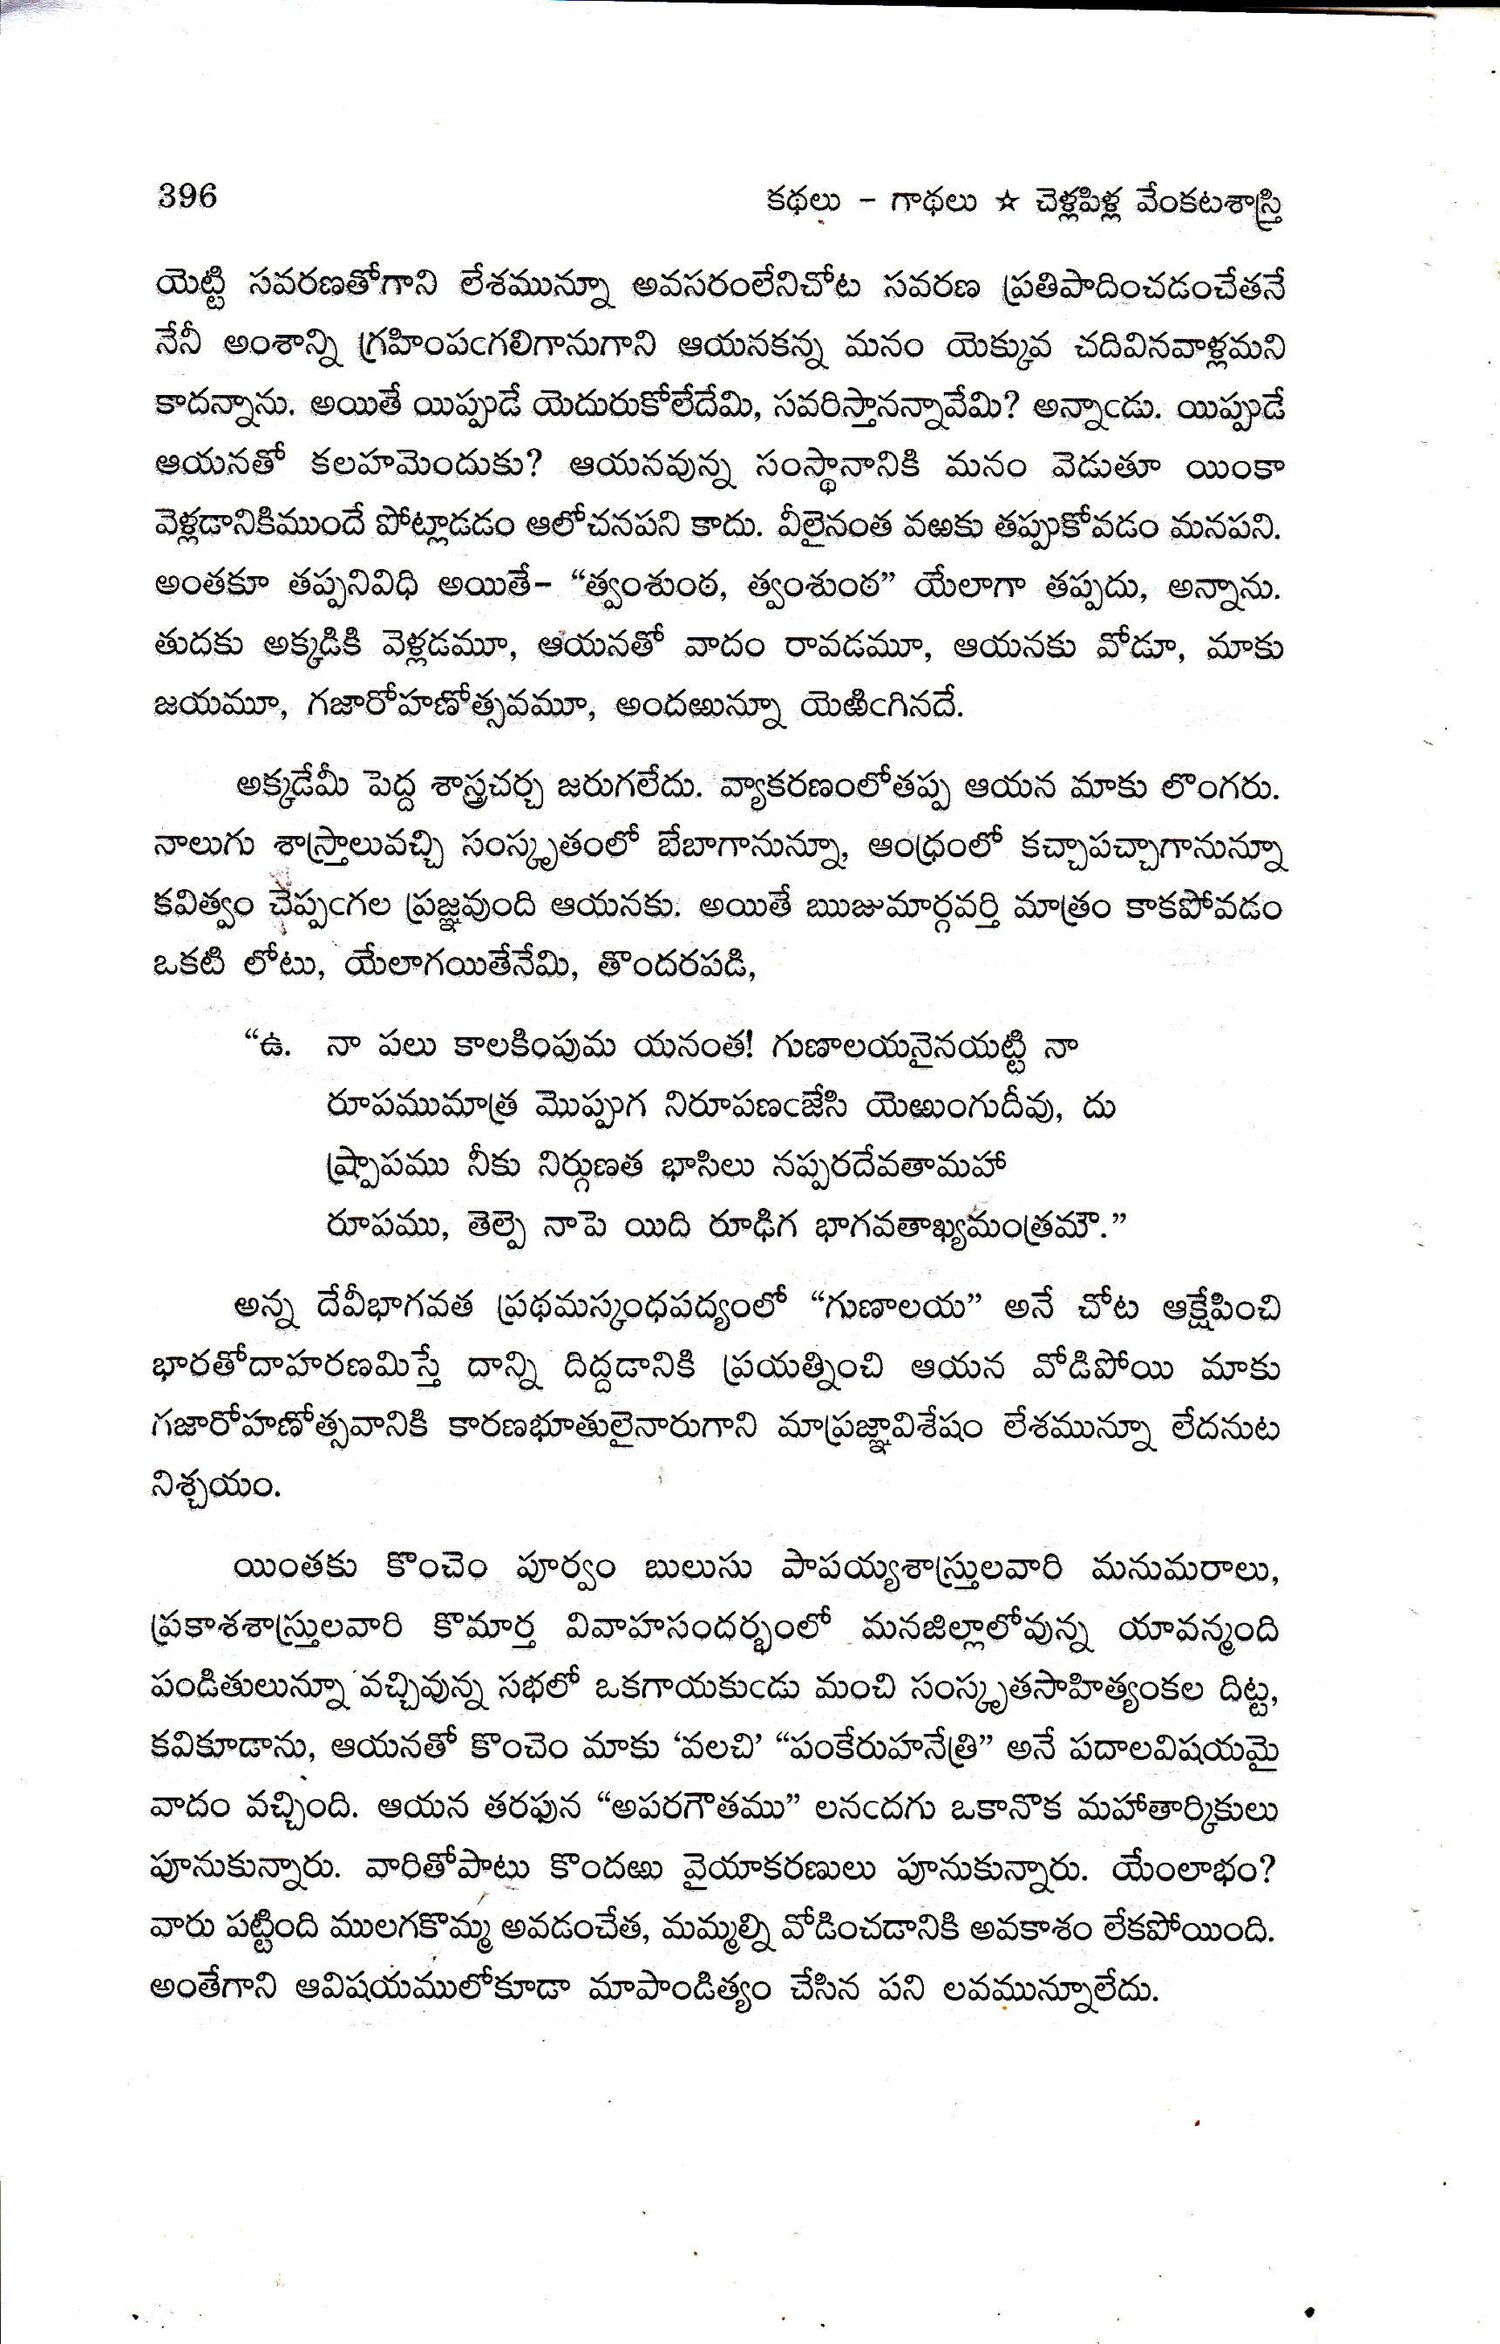యెట్టి సవరణతోగాని లేశమున్నూ అవసరంలేనిచోట సవరణ ప్రతిపాదించడంచేతనే నేనీ అంశాన్ని గ్రహింపఁగలిగానుగాని ఆయనకన్న మనం యెక్కువ చదివినవాళ్లమని కాదన్నాను. అయితే యిప్పుడే యెదురుకోలేదేమి, సవరిస్తానన్నావేమి? అన్నాఁడు. యిప్పుడే ఆయనతో కలహమెందుకు? ఆయనవున్న సంస్థానానికి మనం వెడుతూ యింకా వెళ్లడానికిముందే పోట్లాడడం ఆలోచనపని కాదు. వీలైనంత వఱకు తప్పుకోవడం మనపని. అంతకూ తప్పనివిధి అయితే - “త్వంశుంఠ, త్వంశుంఠ" యేలాగా తప్పదు, అన్నాను. తుదకు అక్కడికి వెళ్లడమూ, ఆయనతో వాదం రావడమూ, ఆయనకు వోడూ, మాకు జయమూ, గజారోహణోత్సవమూ, అందఱున్నూ యెఱిఁగినదే.

అక్కడేమీ పెద్ద శాస్త్రచర్చ జరుగలేదు. వ్యాకరణంలోతప్ప ఆయన మాకు లొంగరు. నాలుగు శాస్త్రాలువచ్చి సంస్కృతంలో బేబాగానున్నూ ఆంధ్రంలో కచ్చాపచ్చాగానున్నూ కవిత్వం ఛెప్పఁగల ప్రజ్ఞవుంది ఆయనకు. అయితే ఋజుమార్గవర్తి మాత్రం కాకపోవడం ఒకటి లోటు, యేలాగయితేనేమి, తొందరపడి,

“ఉ. నా పలు కాలకింపుమ యనంత! గుణాలయనైనయట్టి నా
 రూపముమాత్ర మొప్పుగ నిరూపణఁజేసి యెఱుంగుదీవు, దు 
 ష్ప్రాపము నీకు నిర్గుణత భాసిలు నప్పరదేవతామహా 
 రూపము, తెల్పె నాపె యిది రూఢిగ భాగవతాఖ్యమంత్రమౌ."
అన్న దేవీభాగవత ప్రథమస్కంధపద్యంలో "గుణాలయ" అనే చోట ఆక్షేపించి భారతోదాహరణమిస్తే దాన్ని దిద్దడానికి ప్రయత్నించి ఆయన వోడిపోయి మాకు గజారోహణోత్సవానికి కారణభూతులైనారుగాని మాప్రజ్ఞావిశేషం లేశమున్నూ లేదనుట నిశ్చయం.

యింతకు కొంచెం పూర్వం బులుసు పాపయ్యశాస్త్రులవారి మనుమరాలు, ప్రకాశశాస్త్రులవారి కొమార్త వివాహసందర్భంలో మనజిల్లాలోవున్న యావన్మంది పండితులున్నూ వచ్చివున్న సభలో ఒకగాయకుఁడు మంచి సంస్కృతసాహిత్యంకల దిట్ట, కవికూడాను, ఆయనతో కొంచెం మాకు వలచి' “పంకేరుహనేత్రి" అనే పదాలవిషయమై వాదం వచ్చింది. ఆయన తరఫున "అపరగౌతము" లనఁదగు ఒకానొక మహాతార్కికులు పూనుకున్నారు. వారితోపాటు కొందఱు వైయాకరణులు పూనుకున్నారు. యేంలాభం? వారు పట్టింది ములగకొమ్మ అవడంచేత, మమ్మల్ని వోడించడానికి అవకాశం లేకపోయింది. అంతేగాని ఆవిషయములోకూడా మాపాండిత్యం చేసిన పని లవమున్నూలేదు.